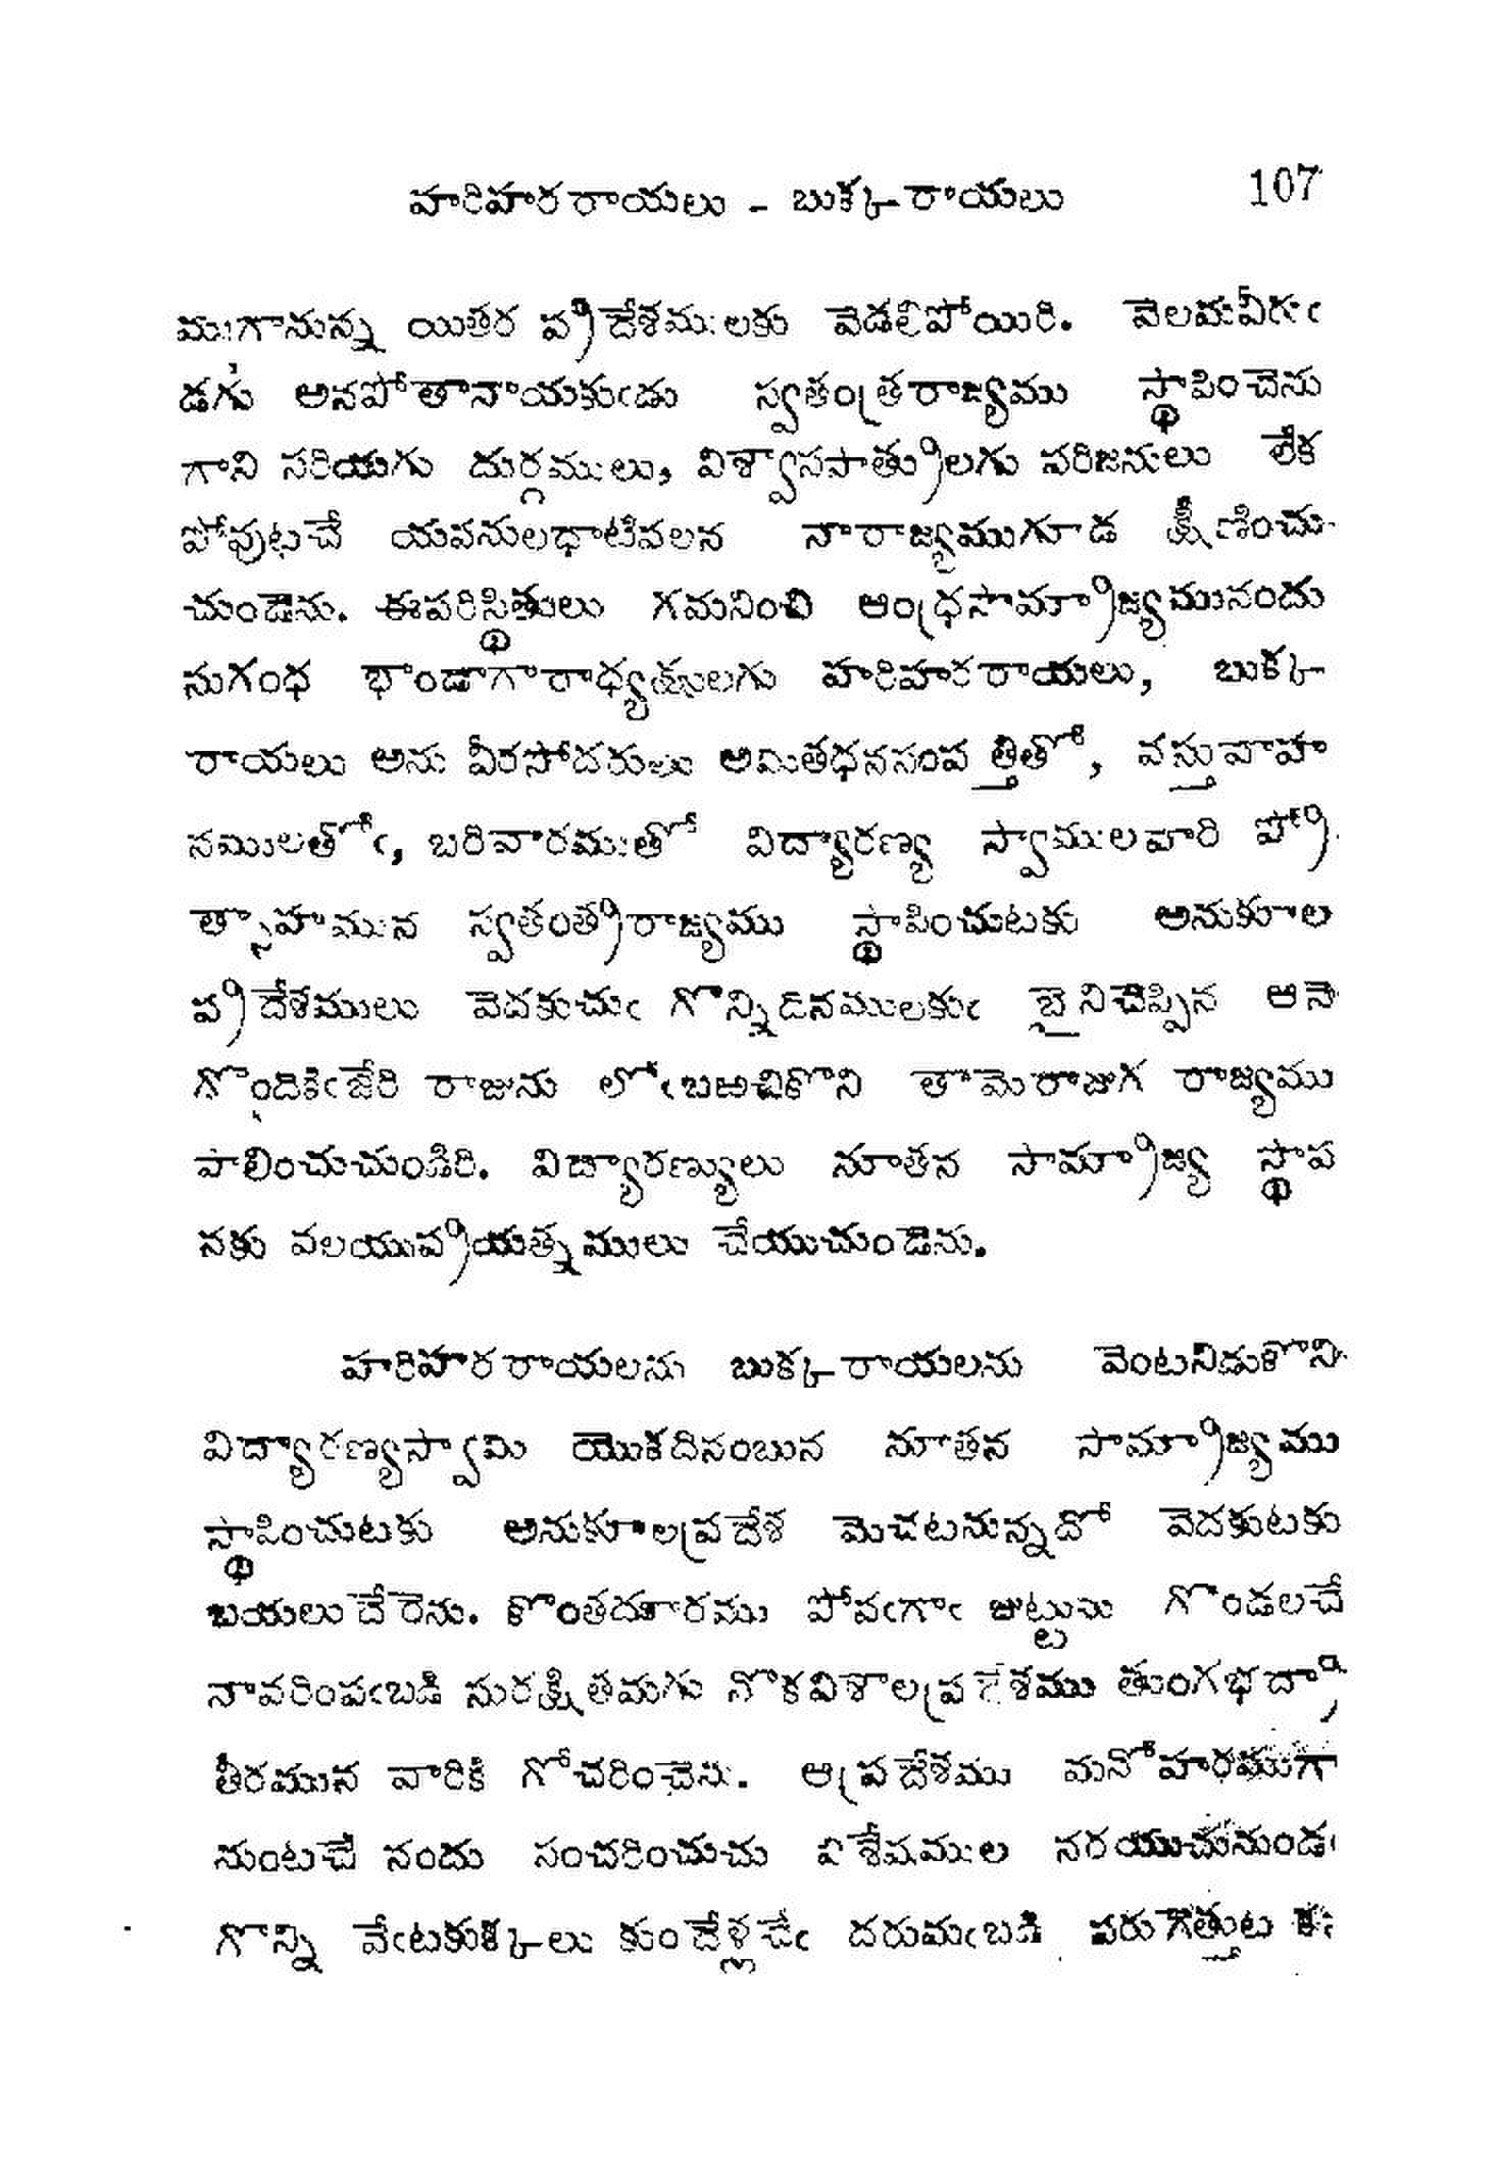ముగానున్న యితర ప్రదేశములకు వెడలిపోయిరి. వెలమవీరుడగు అనపోతానాయకుడు స్వతంత్రరాజ్యము స్థాపించెను గాని సరియగు దుర్గములు, విశ్వాసపాత్రులగు పరిజనులు లేకపోవుటచే యవనులధాటివలన నారాజ్యముగూడ క్షీణించుచుండెను. ఈపరిస్థితులు గమనించి ఆంధ్రసామ్రాజ్యమునందు సుగంధ భాండాగారాధ్యక్షులగు హరిహరరాయలు, బుక్కరాయలు అను వీరసోదరులు అమితధనసంపత్తితో, వస్తువాహనములతో, బరివారముతో విద్యారణ్య స్వాములవారి ప్రోత్సాహమున స్వతంత్రరాజ్యము స్థాపించుటకు అనుకూల ప్రదేశములు వెదకుచు గొన్నిదినములకు బైనిచెప్పిన ఆనెగొందికిజేరి రాజును లోబఱచికొని తామెరాజుగ రాజ్యము పాలించుచుండిరి. విద్యారణ్యులు నూతన సామ్రాజ్య స్థాపనకు వలయుప్రయత్నములు చేయుచుండెను.

హరిహరరాయలను బుక్కరాయలను వెంటనిడుకొని విద్యారణ్యస్వామి యొకదినంబున నూతన సామ్రాజ్యము స్థాపించుటకు అనుకూలప్రదేశ మెచటనున్నదో వెదకుటకు బయలుదేరెను. కొంతదూరము పోవగా జుట్టును గొండలచే నావరింపబడి సురక్షితమగు నొకవిశాలప్రదేశము తుంగభద్రాతీరమున వారికి గోచరించెను. ఆప్రదేశము మనోహరముగా నుంటచే నందు సంచరించుచు విశేషముల నరయుచునుండ గొన్ని వేటకుక్కలు కుందేళ్లచే దరుమబడి పరుగెత్తుట కన